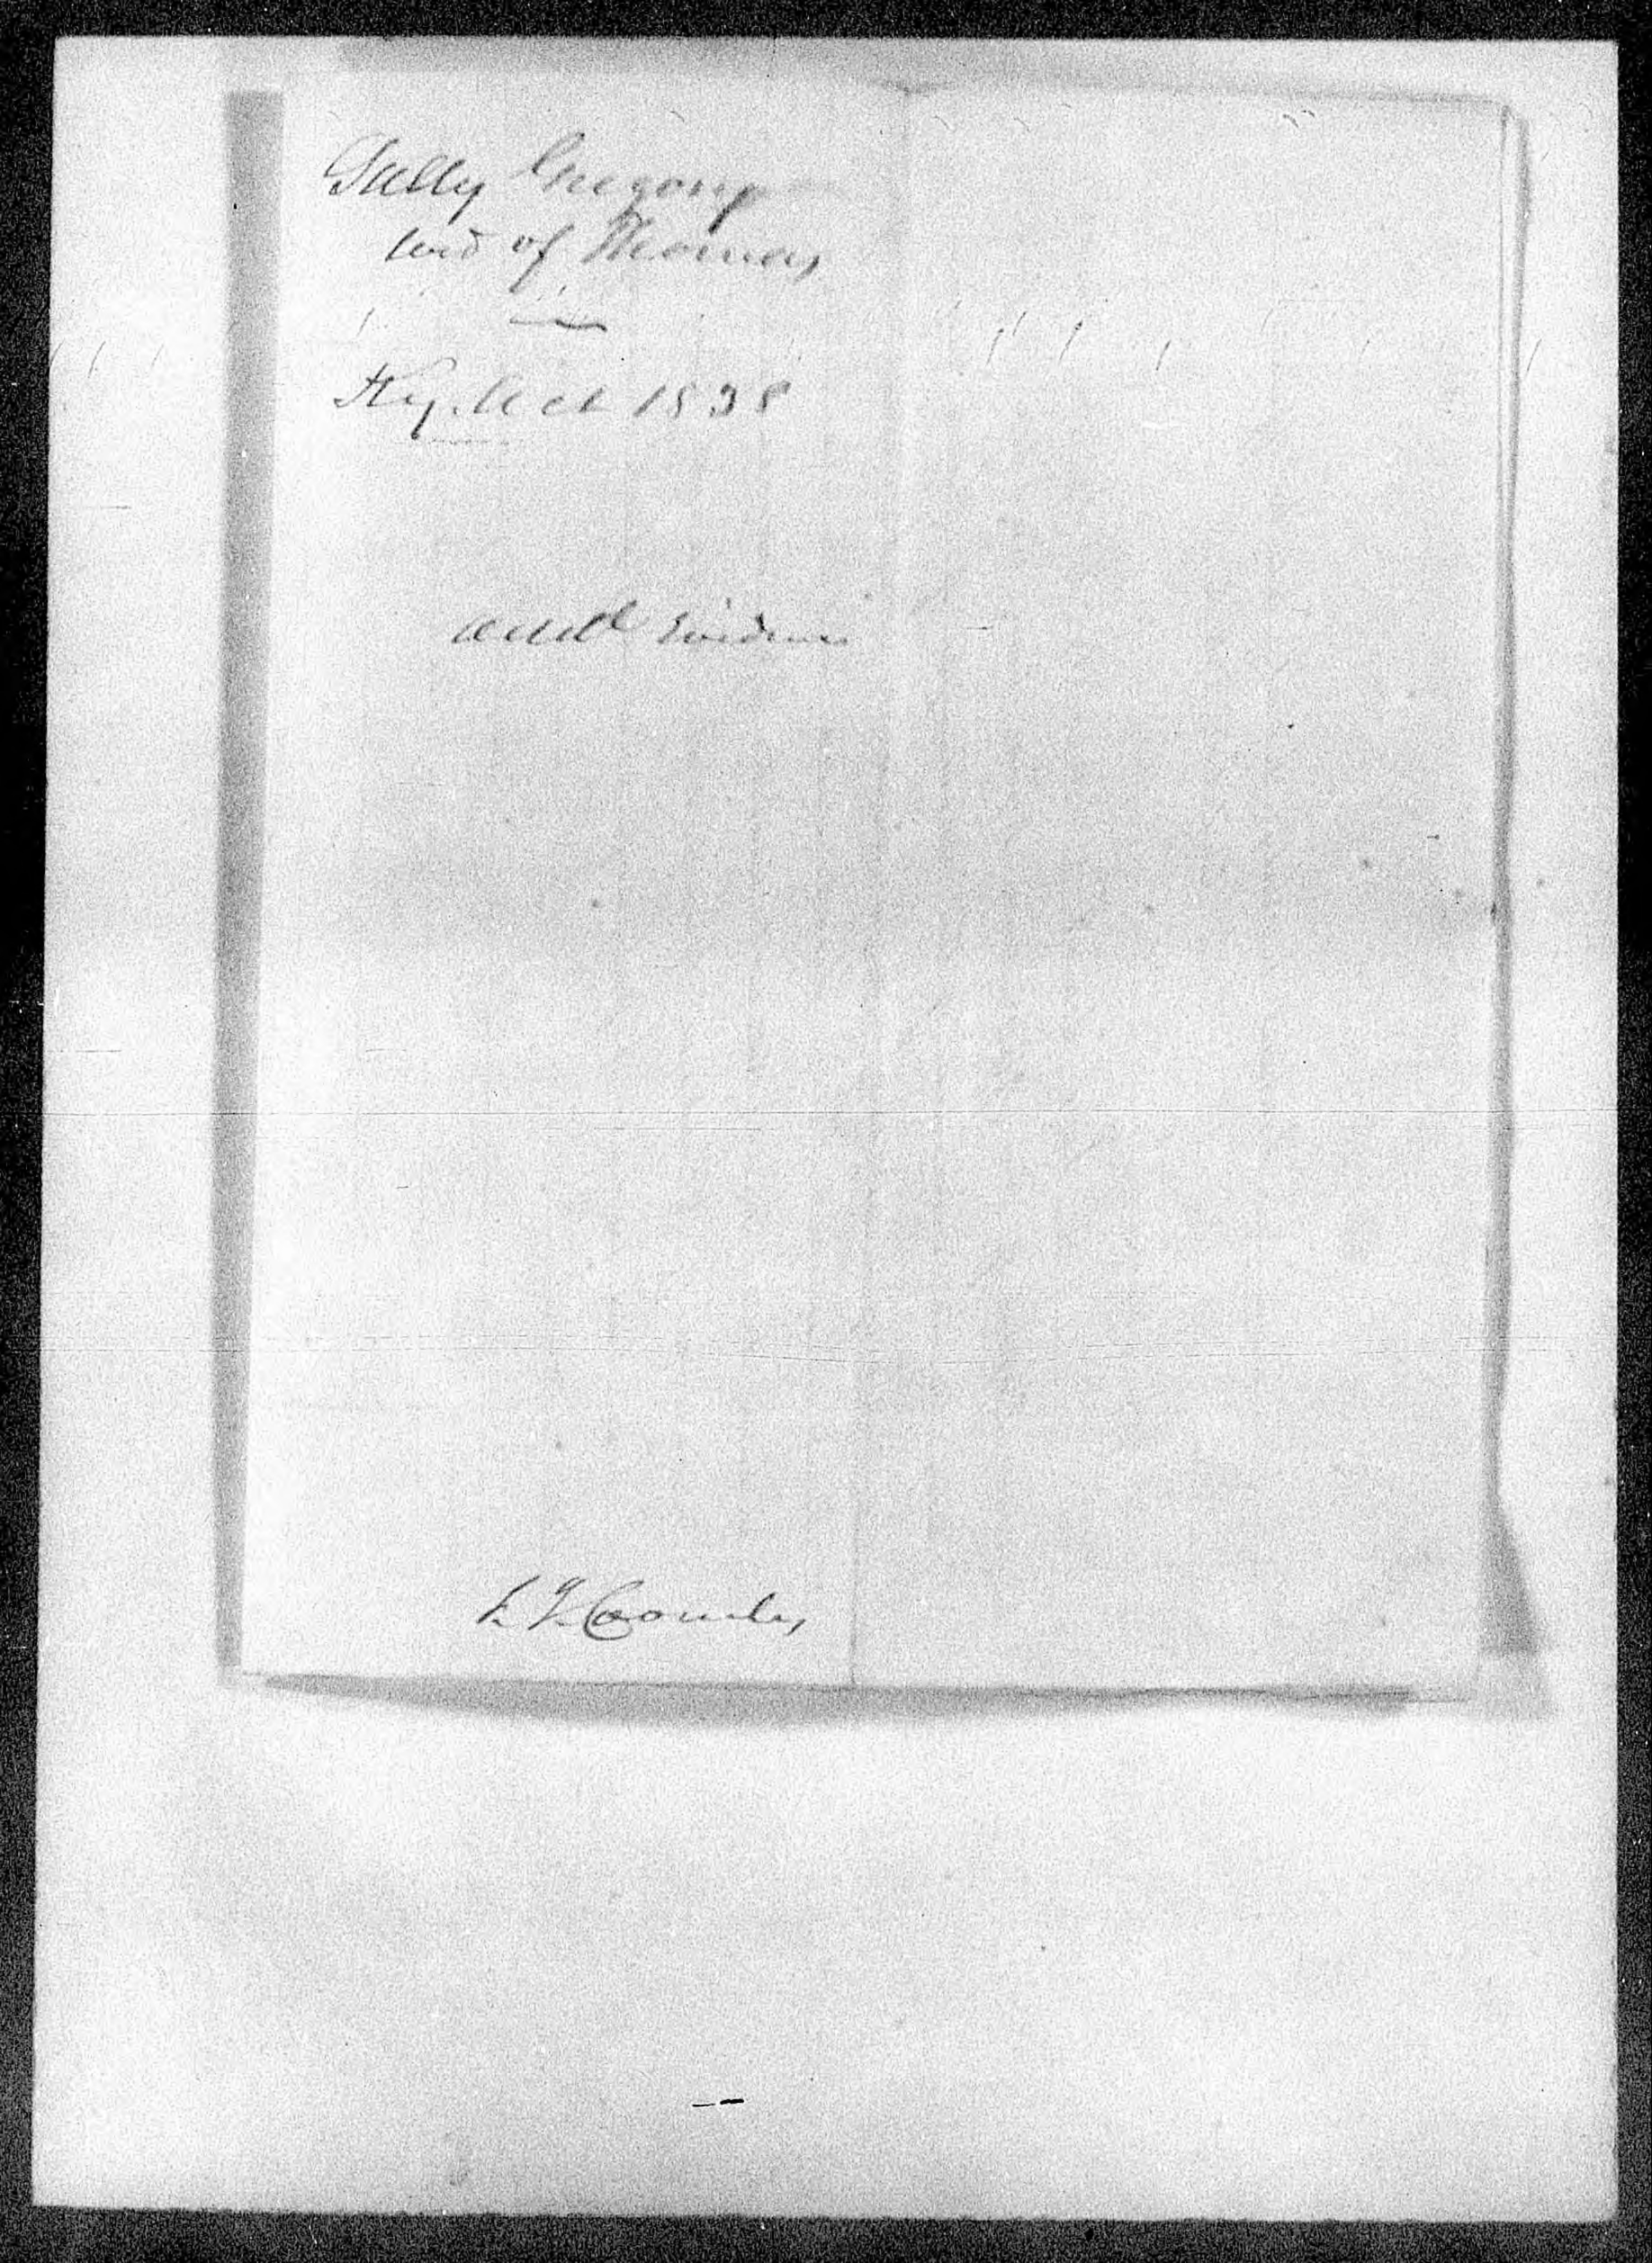Sally Gregory
Wid of Thomas

Ky Act 1838

add'l evidence

J. J. Coombs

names: Thomas Gregory, J J Coombs, Sally Gregory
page: 43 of 75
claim: widow's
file: W. 8876, Thomas Gregory, Continental Va